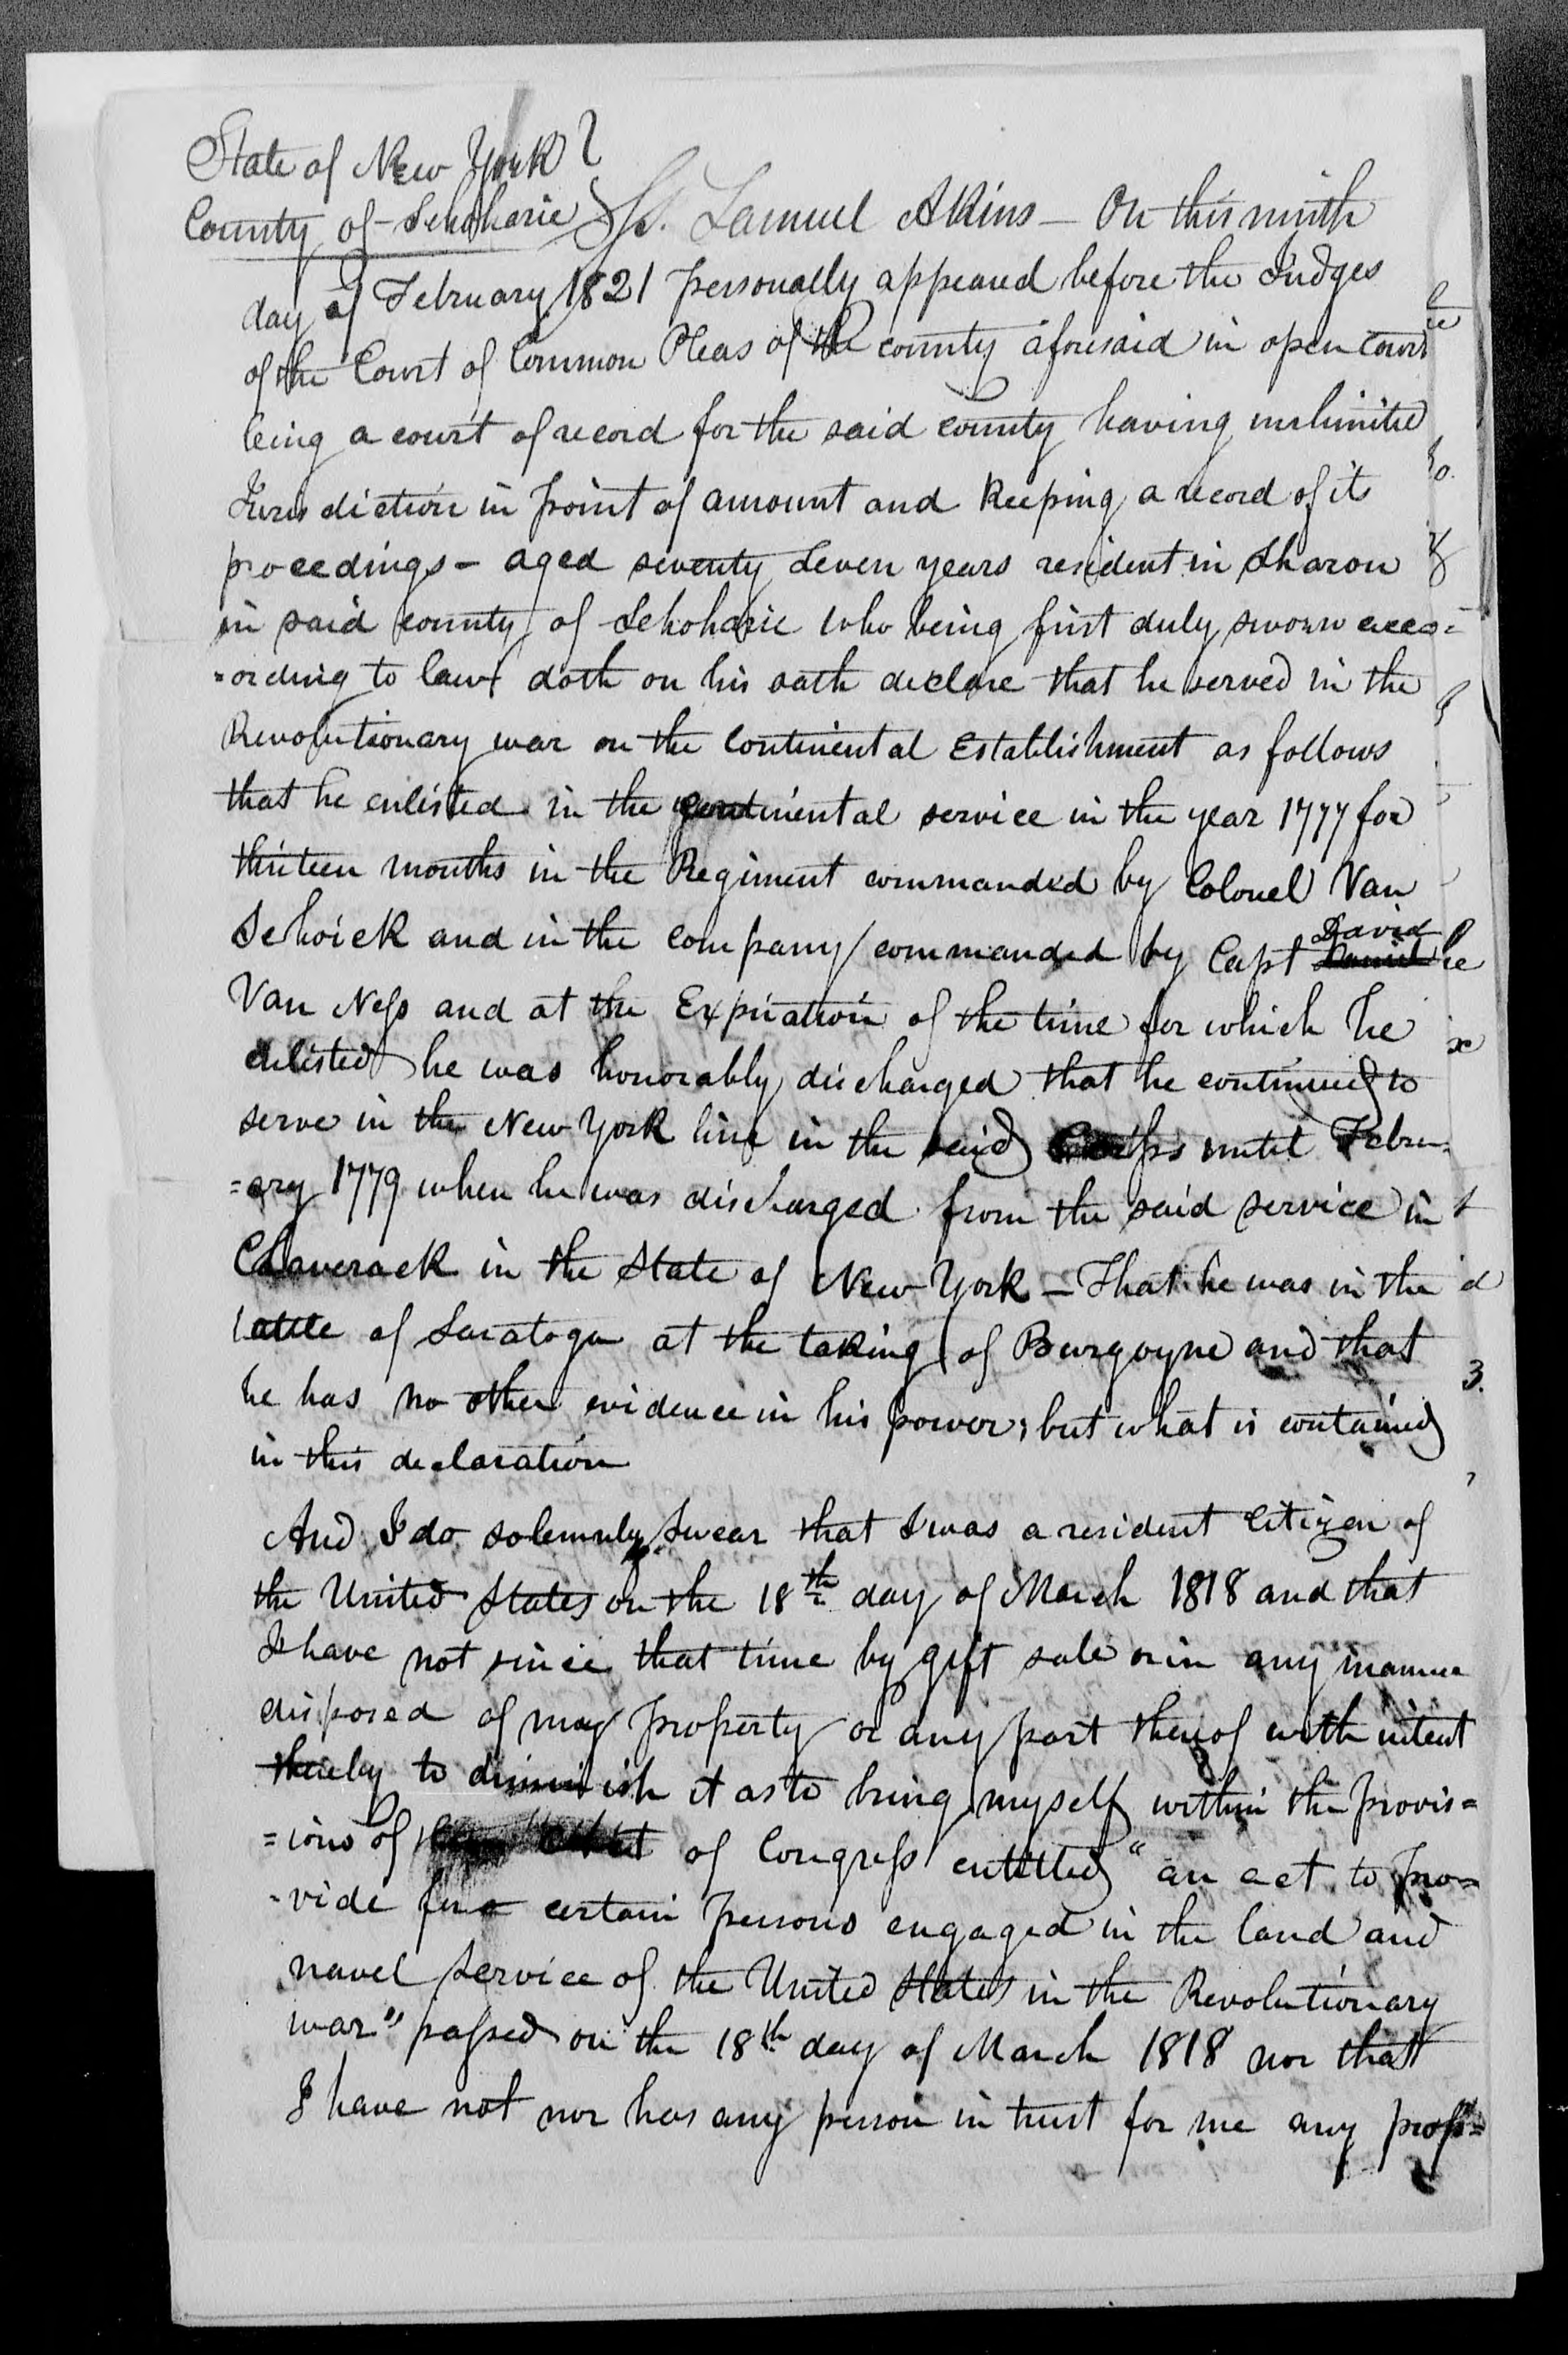[all handwritten] 
State of New York [bracket]
County of Schoharie [bracket] 
P. Lamuel [Samuel] Atkins [Akins] - On this ninth
day of February 1821 personally appeared before the Judges
of the Court of Common Pleas of the County aforesaid in open court
being a court of record for the said county having unlimited
Jurisdiction in point of amount and keeping a record of its
proceedings - aged seventy seven years resident in Sharon
in said County of Schoharie who being first duly sworn accor
cording [according] to law doth on his oath declare that he served in the
Revolutionary war on the continental Establishment as follows
that he enlisted in the continental service in the year 1777 for
thirteen months in the Regiment commanded by Colonel Van
Schoick and in the company commanded by Capt David [there was a word crossed out] 
Van Ness and at the Expiration of the time for which he
enlisted he was honorably discharged that he continued to
serve in the New York line in the said Corps until Febru
ary [February] 1779 when he was discharged from the said service in
Claverack in the State of
of New York - That he was in the
battle of Saratoga at the taking of Burgoyne and that
3.
he has no other evidence in his power, but what is contained
in this declaration
And I do solemnly swear that I was a resident citizen of
the United States on the 18th day of March 1818 and that
I have not since that time by gift sale or in any manner
disposed of my property or any part thereof with intent
thereby to diminish it as to bring myself within the provis
ions [provisions] of [illegible] [illegible] 
of Congress entitled " an act to pro
vide [provide] for ["a" is crossed out] certain persons engaged in the land and
navel service of the United States in the Revolutionary war" passed on the 18th day of March 1818 nor that
●
I have not nor has any person in trust for me any prop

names: Samuel Akins, David Van Ness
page: 4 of 9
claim: survivor's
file: S. 45181, Samuel Akins, New York